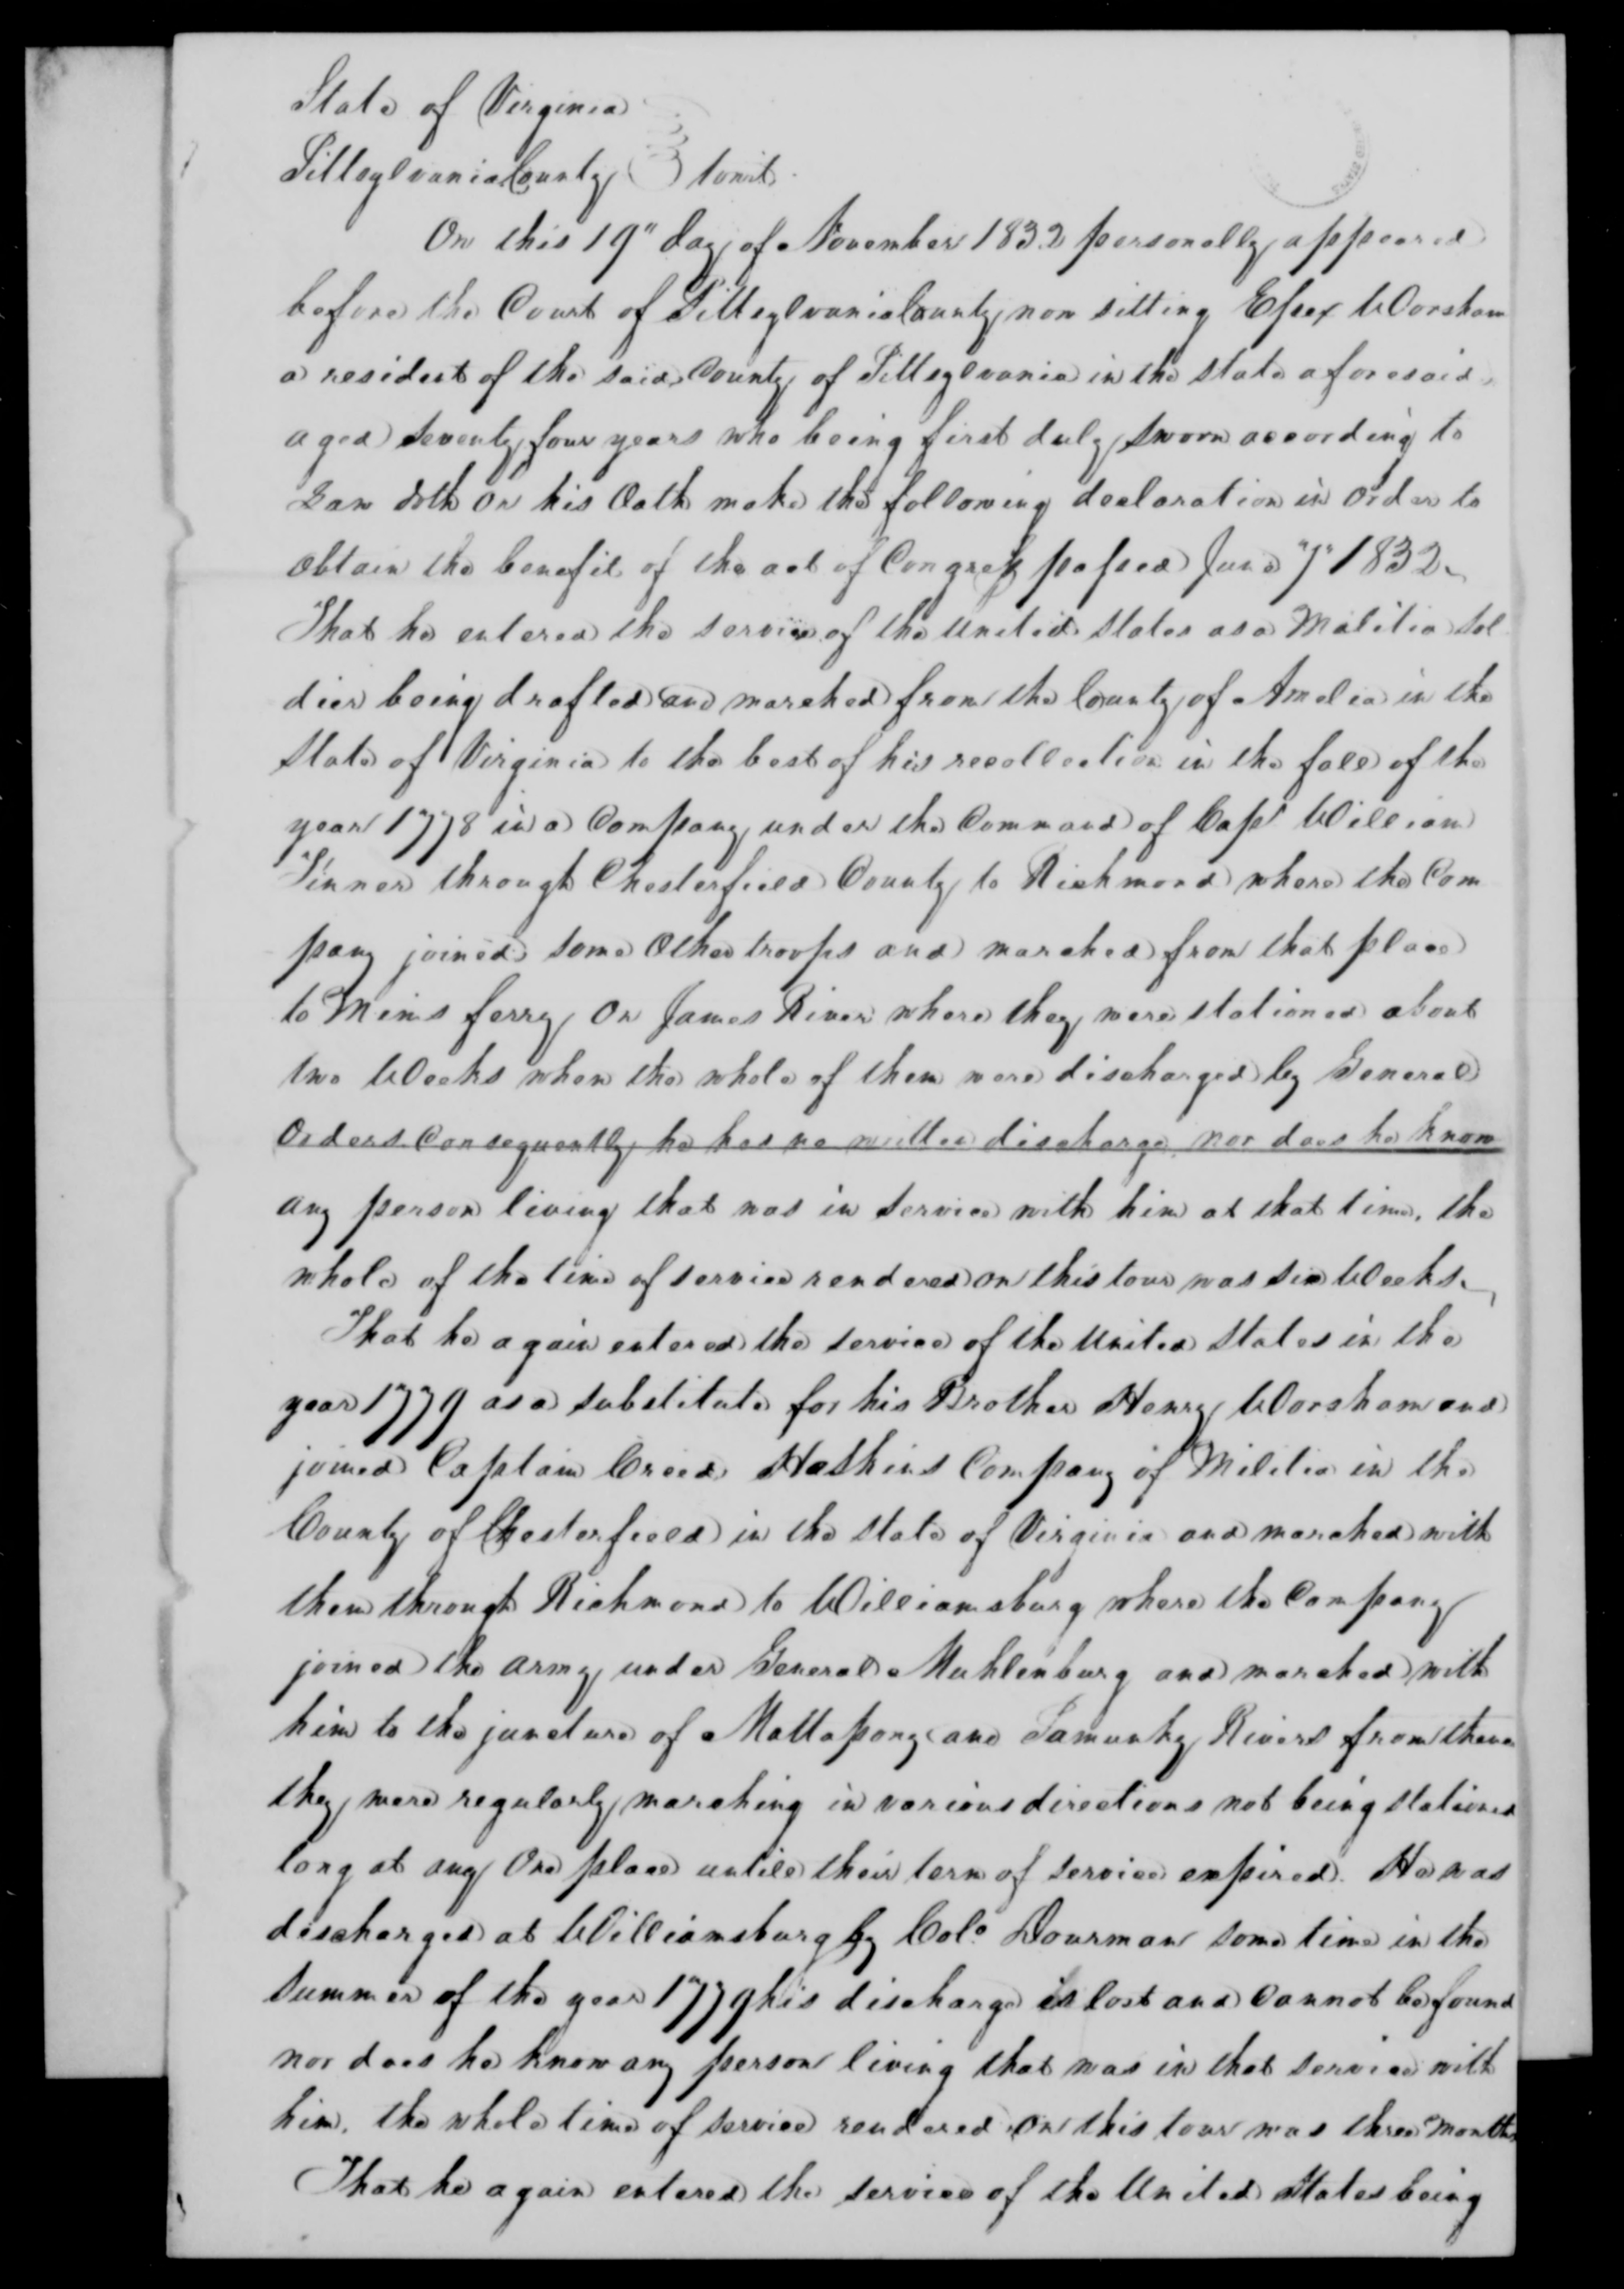State of Virginia
Pittsylvania County} to wit

On this 19th day of November 1832 personally appeared
before the Court of Pittsylvania County now sitting Essex Worsham
a resident of the said County of Pittsylvania in the State aforesaid
aged Seventy four years who being first duly sworn according to
Law doth on his Oath make the following declaration in order to
obtain the benefit of the act of Congress passed June 7 1832,
That he entered the service of the United State as a Militia Soldier
being drafted and marched from the County of Amelia in 
State of Virginia to the best of his recollection in the fall of the
year 1778 in a Company under the Command of Capt William
Tinner through Chesterfield County to Richmond where the Company
joined some other troops and marched from that place
to Mins ferry of James River where they were stationed about
two weeks when the whole of them were discharged by General
Orders consequently he has no written discharge nor does he know
any person living that was in Service with him at that time. the
whole of the time of service rendered on this tour was six weeks
That he again entered the service of the United States in the
year 1779 as a substituted for his Brother Henry Worsham and
joined Captain Creed Haskins Company of Militia in the
County of Chesterfield in the State of Virginia and marched with
them through Richmond to Williamsburg where the company
joined the army under General Muhlenburg and marched with
him to the juncture of Mattapony and Pamunky Rivers from there
they were regularly marching in various directions not being stationed
long at any one place untill their term of service expired. He was
discharged at Williamsburg by Col.o Dourman some time in the
Summer of the year 1779 his discharge is lost and cannot be found
nor does he know any person living that was in that service with
him. the whole time of service rendered on this tour was three months
That he again entered the service of the United States being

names: Downman, William Tinner, Essex Worsham, Henry Worsham, Muhlenburg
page: 3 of 16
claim: survivor's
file: S. 6,447, Essex Worsham, Va.